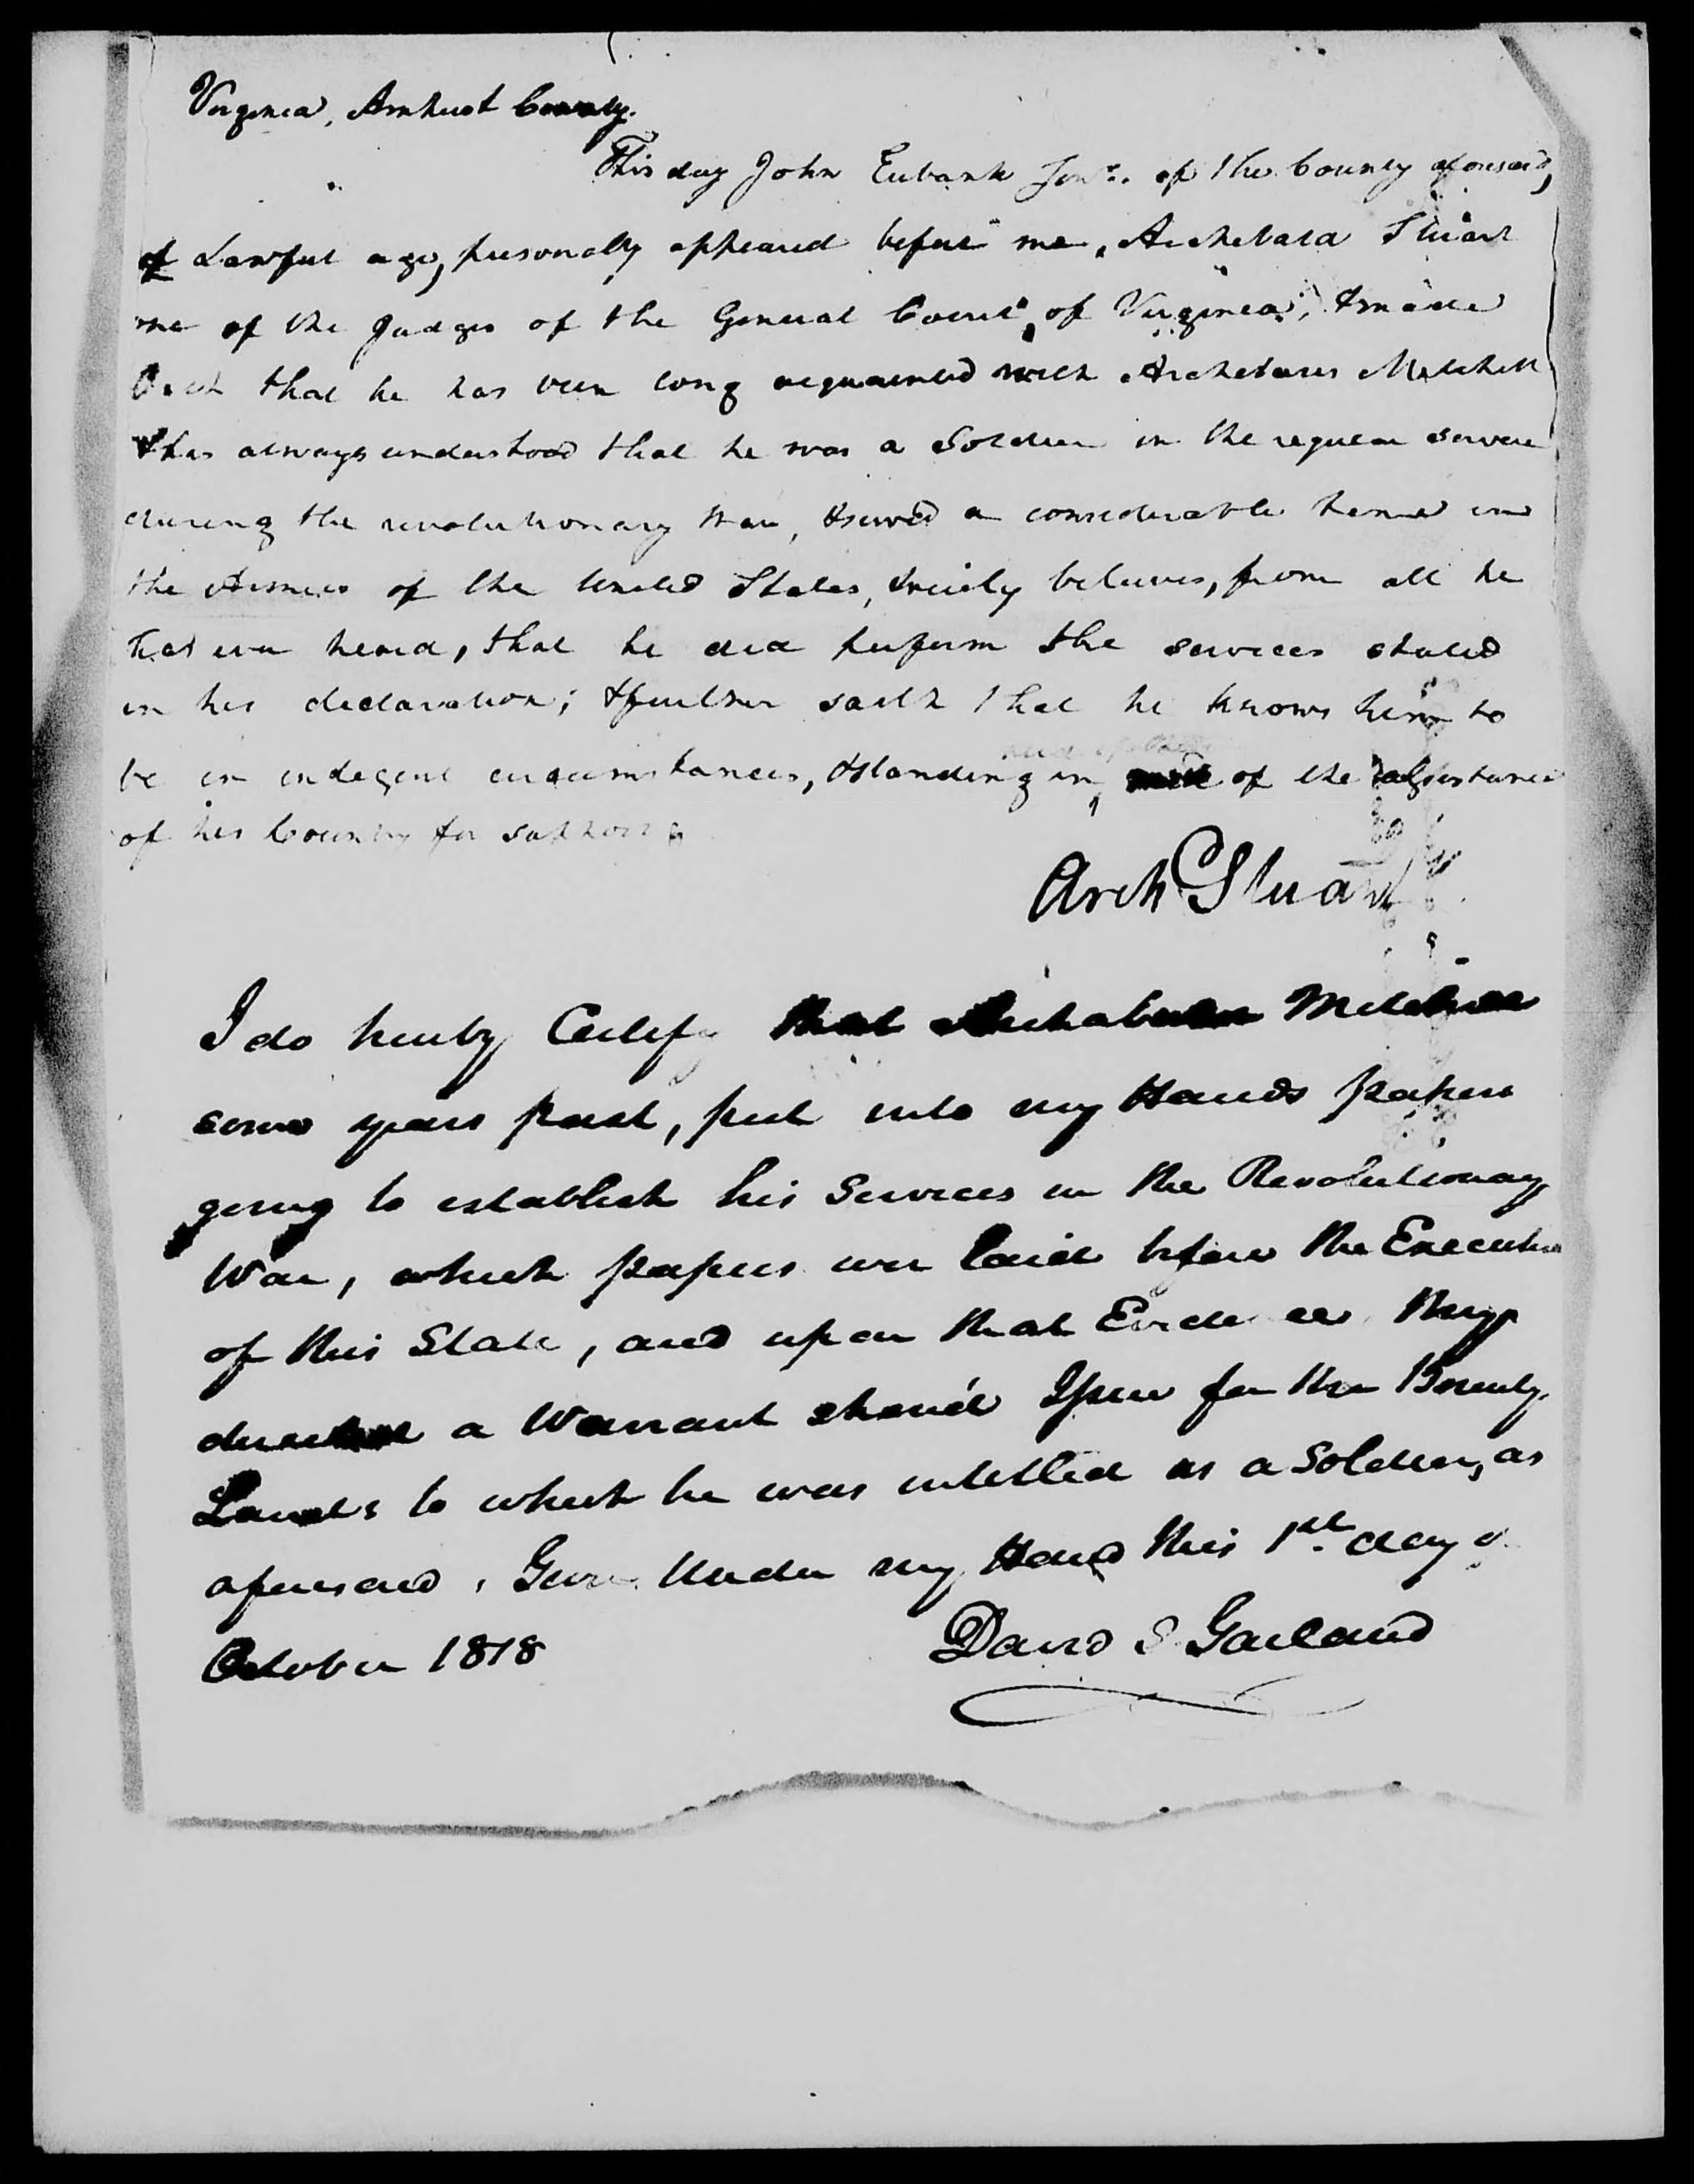Virginia, Amhert Sounty:

This day John Eubank Junʳ of the County aforesaid, of Lawful age, personally appeared before me, Archebald Stuart one of the Judges of the General Court of Virginia, & made Oath that he has been long acquainted with Archelaus Mitchell & has always understood that he was a Soldier in the regular service during the revolutionary war, & served a considerable [illegible] in the [illegible] of the United States, [illegible] believes, from all he has ever heard, that he did perform the services stated in her declaration; & further saith that he knows him to be in indigent circumstances, & standing in ^need of [illegible] of the [illegible] of his Country of support.
Arch Stuart [signature]

I do hereby Certify that Archelaus Mitchell some years back, put into my Hands papers [illegible] to establish his services in the Revolutionary War, which papers wer(sic) laid before the Executor of his State, and upon that evidence, they [illegible] a Warrant [illegible] for the Bounty Lands to which he was entitled as a Soldier, as aforesaid.

Given under my Hand this 1ˢᵗ day of October 1818
David S. Garland [signature]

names: Archebald Stuart; David S Garland; Archelaus Mitchell; John Eubank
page: 14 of 23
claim: survivor's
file: S. 38226, for Archelaus Mitchell, Virginia